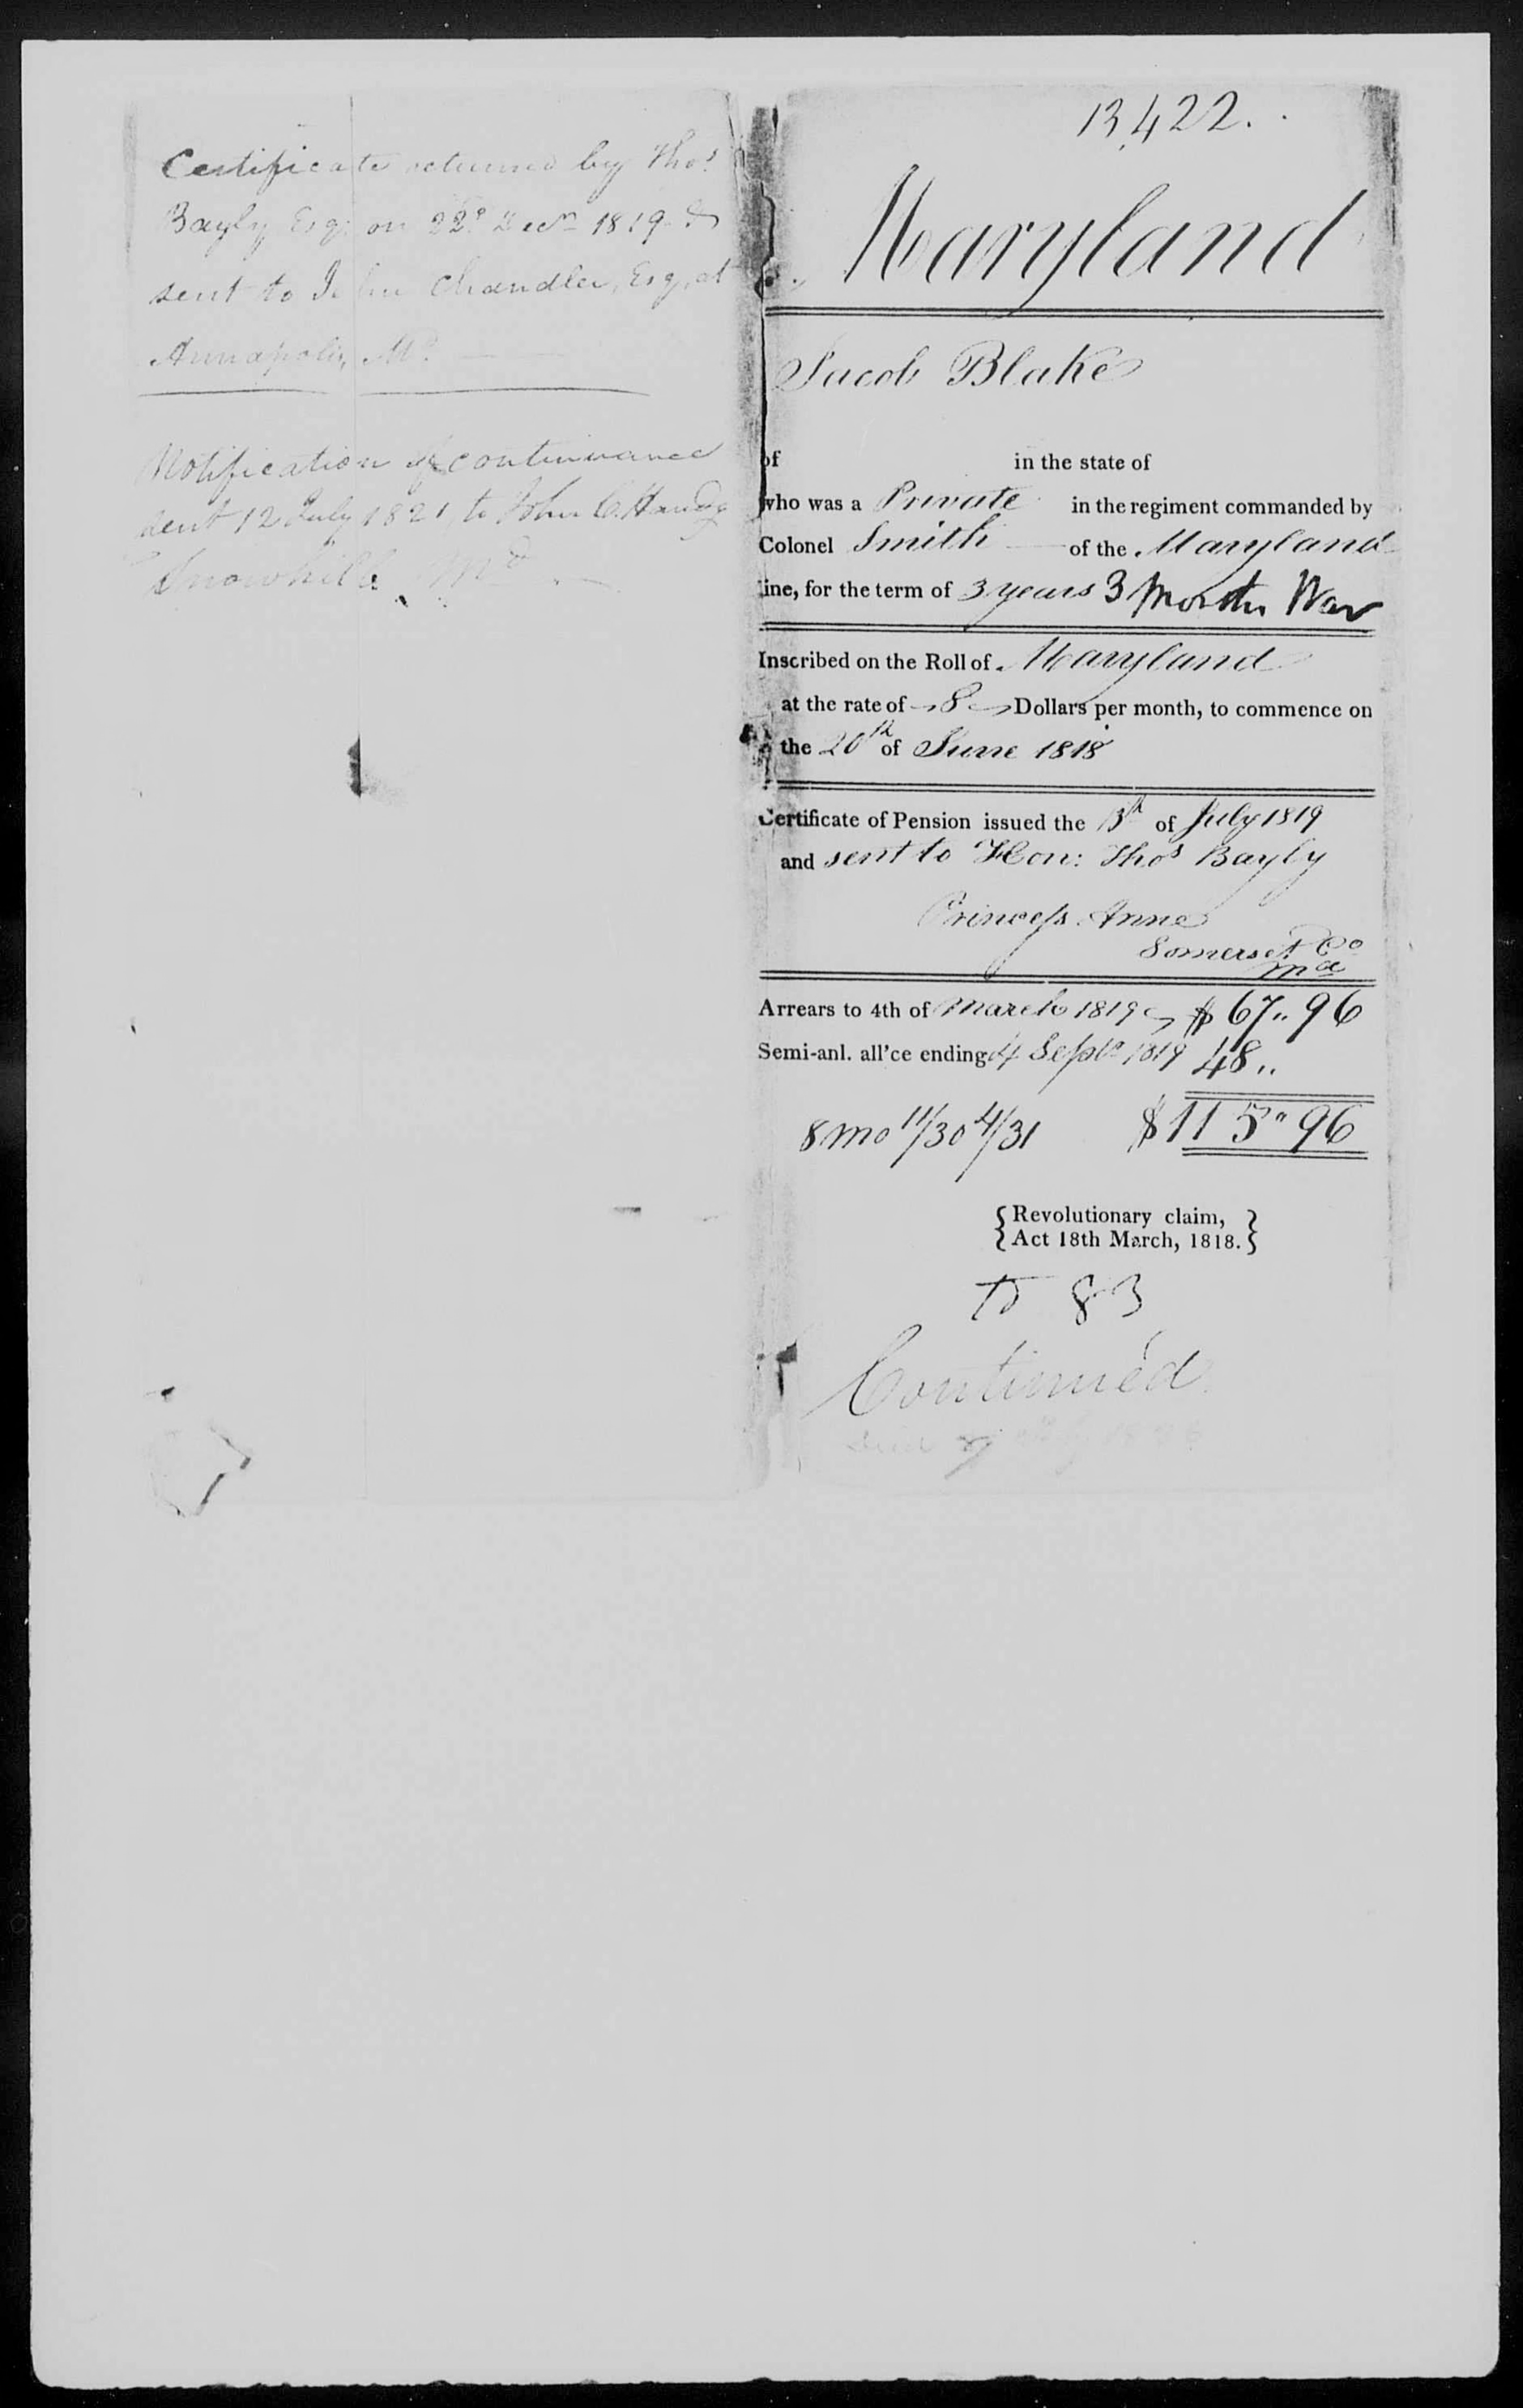Left Side Page

Certificate returned by Thos Bayly Esq. on 22nd Dec 1819 and sent to John Chandler, Esq. at Annapolis, MD

Notification of continuance sent 12 July 1821 to John C. Handy Snow Hill, MD

Right Side Page

13,422

MARYLAND

Jacob Blake
of [blank] in the state of [blank] who was a Private in the regiment commanded by Colonel Smtih of the Maryland line for the term of 3 years 3 months was inscribed on the roll of Maryland at the rate of 8 dollars per month to commence on the 20th of June 1818.
Certificate of Pension issued the 13th of July 1819 and sent to Hon: Thos Bayly Princess Anne Somerset Co, MD

Arrears to 4th of March 1819 $67.96
Semi-anl. all'ce ending 4 Sept 1819 $48.00

8 mo11/30 4/31
TOTAL $115.96

{revolutionary claim act 18th March 1818}

to 83
Continued (too light to read)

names: Thos Bayly, Smith, Jacob Blake, Thos Bayly, John C Handy, John Chandler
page: 11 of 18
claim: survivor's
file: S. 34654, Jacob Blake, Md.